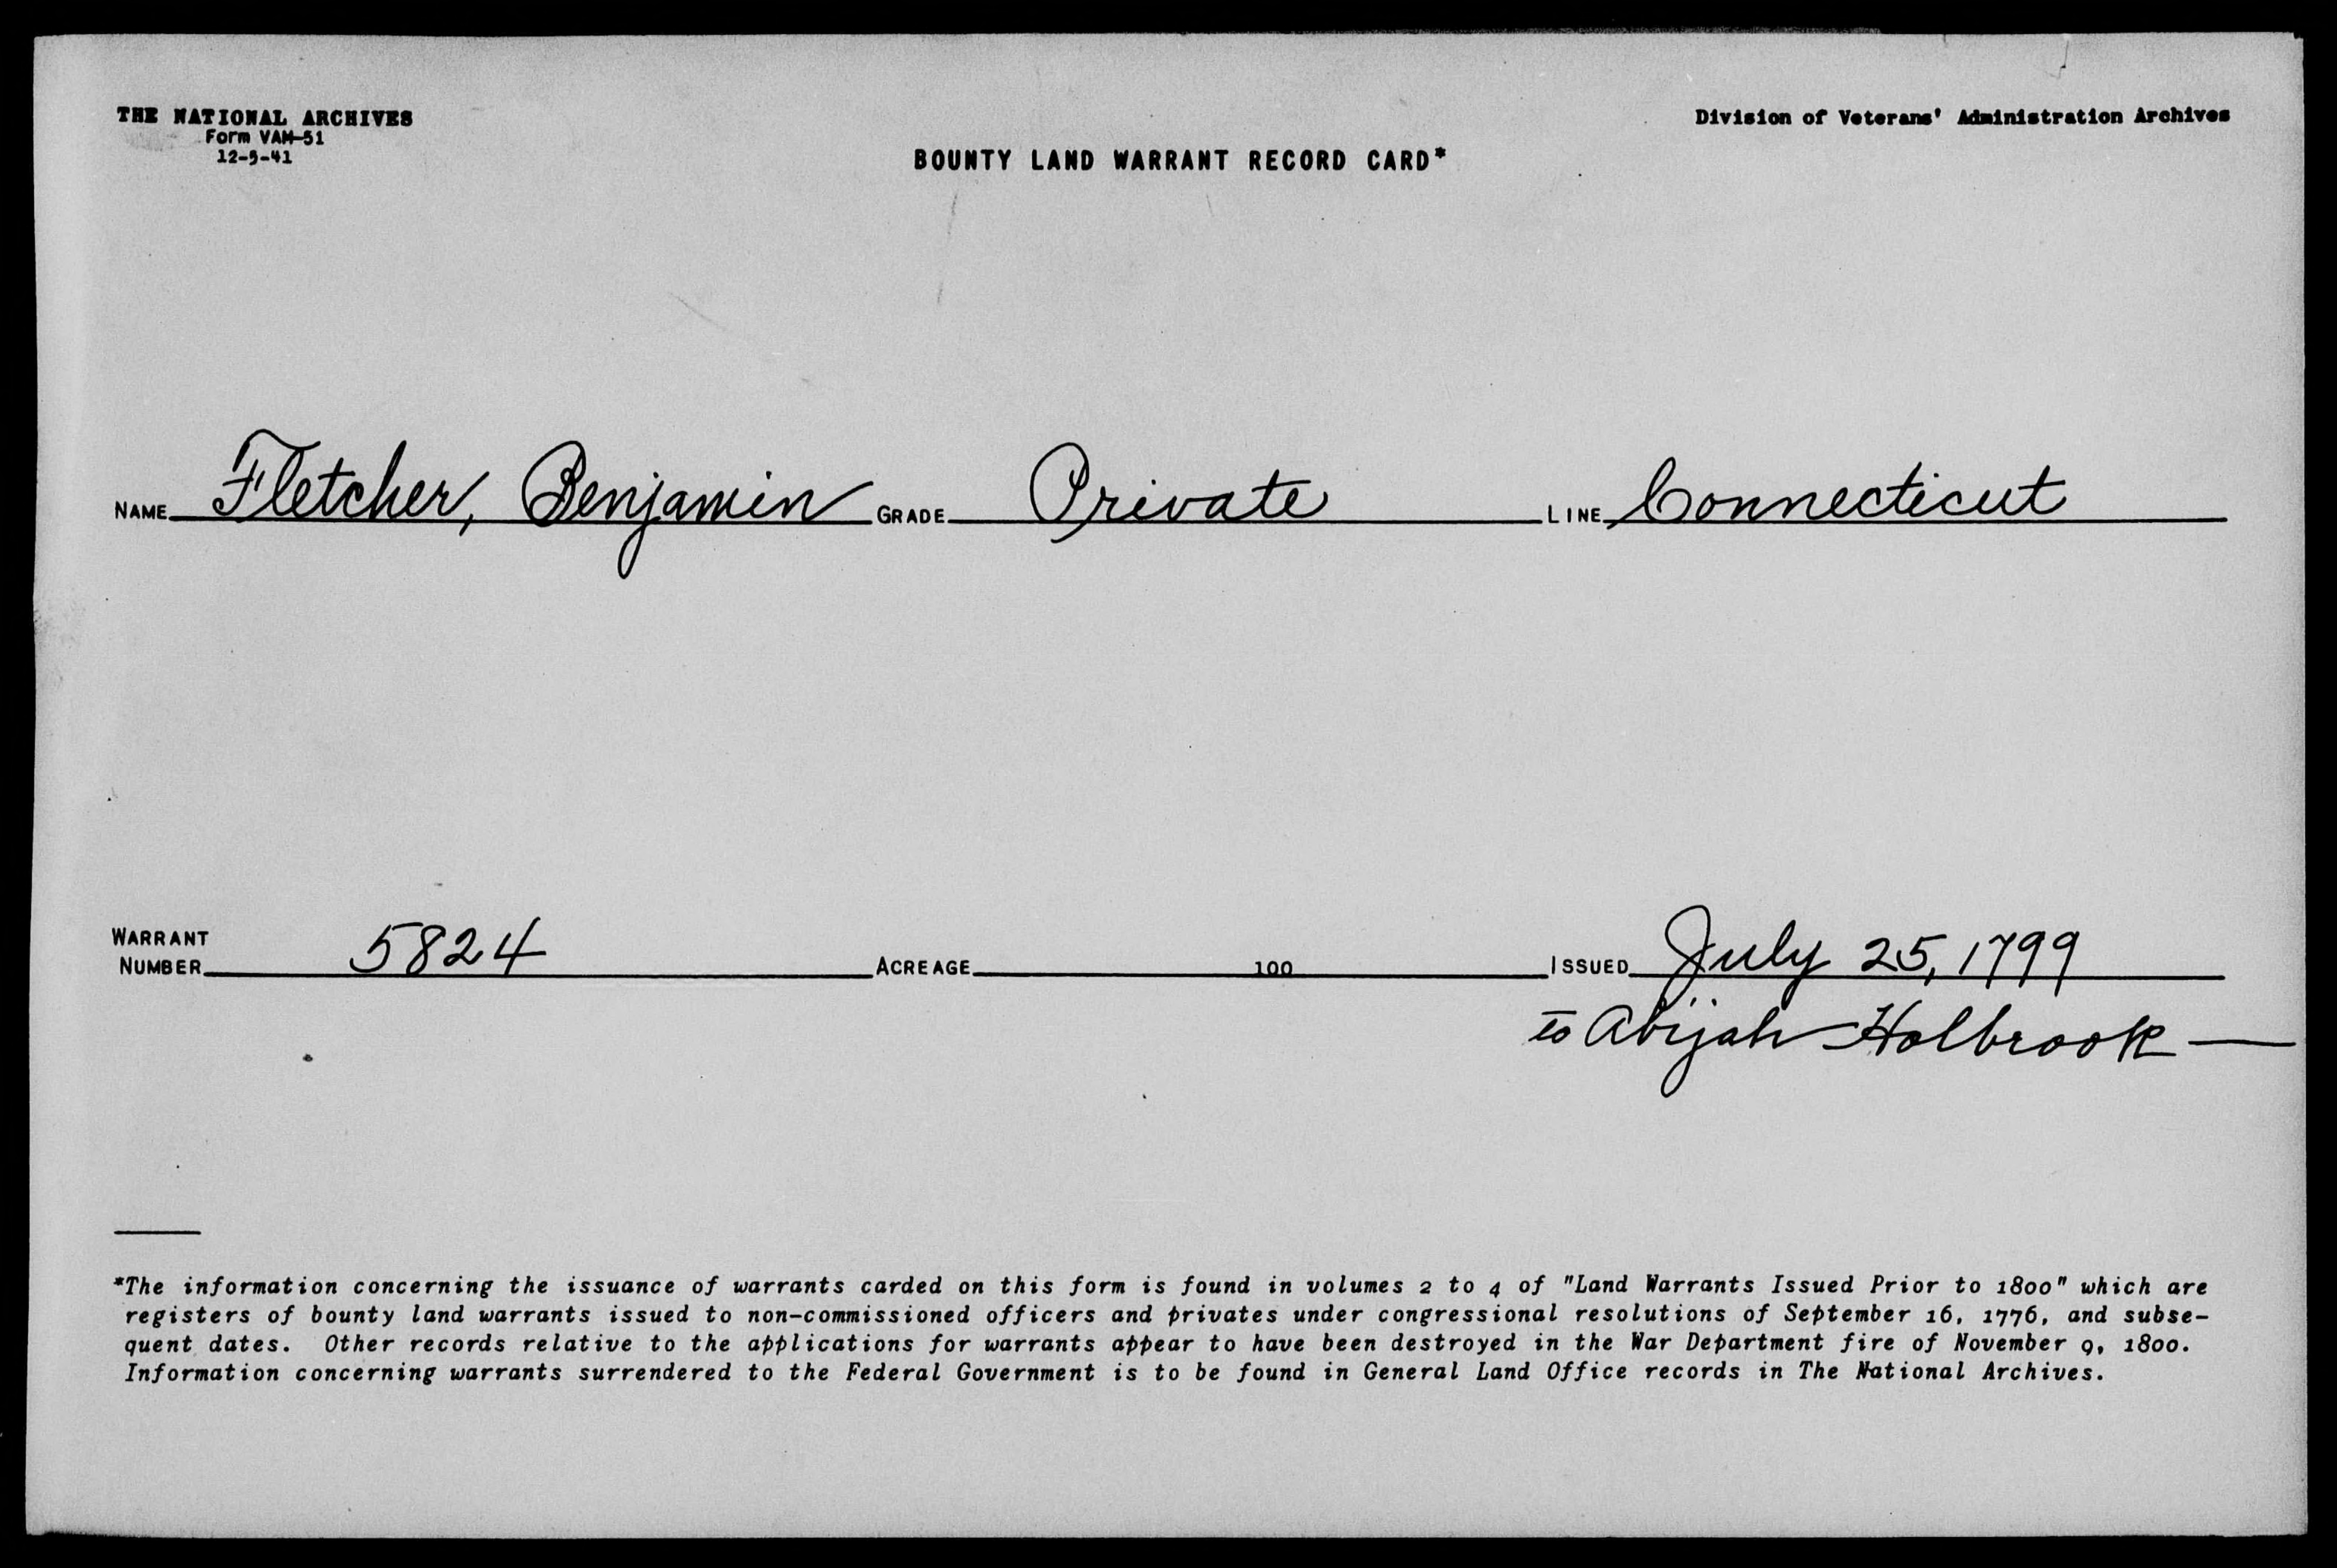The National Archives
Form VAN-51
12-5-41

Bounty Land Warrant Record Card*

Name Fletcher, Benjamin 
Grade Private 
Line Connecticut

Warrant Number 5824
Acreage 100

Issued July 25, 1799 to Abijah Holbrook 

*The information concerning the issuance of warrants carded on this form is found in volumes 2 to 4 of “Land Warrants Issued Prior to 1800” which are registers of bounty land warrants issued to non-commissioned officers and privates under congressional resolutions of September 16, 1776, and subsequent dates. Other records relative to the applications for warrants appear to have been destroyed in the War Department fire of November 9, 1800. Information concerning warrants surrendered to the Federal Government is to be found in General Land Office records in The National Archives.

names: Abijah Holbrook, Benjamin Fletcher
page: 18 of 18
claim: survivor's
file: S. 44822, Archelaus Fletcher, Mass.